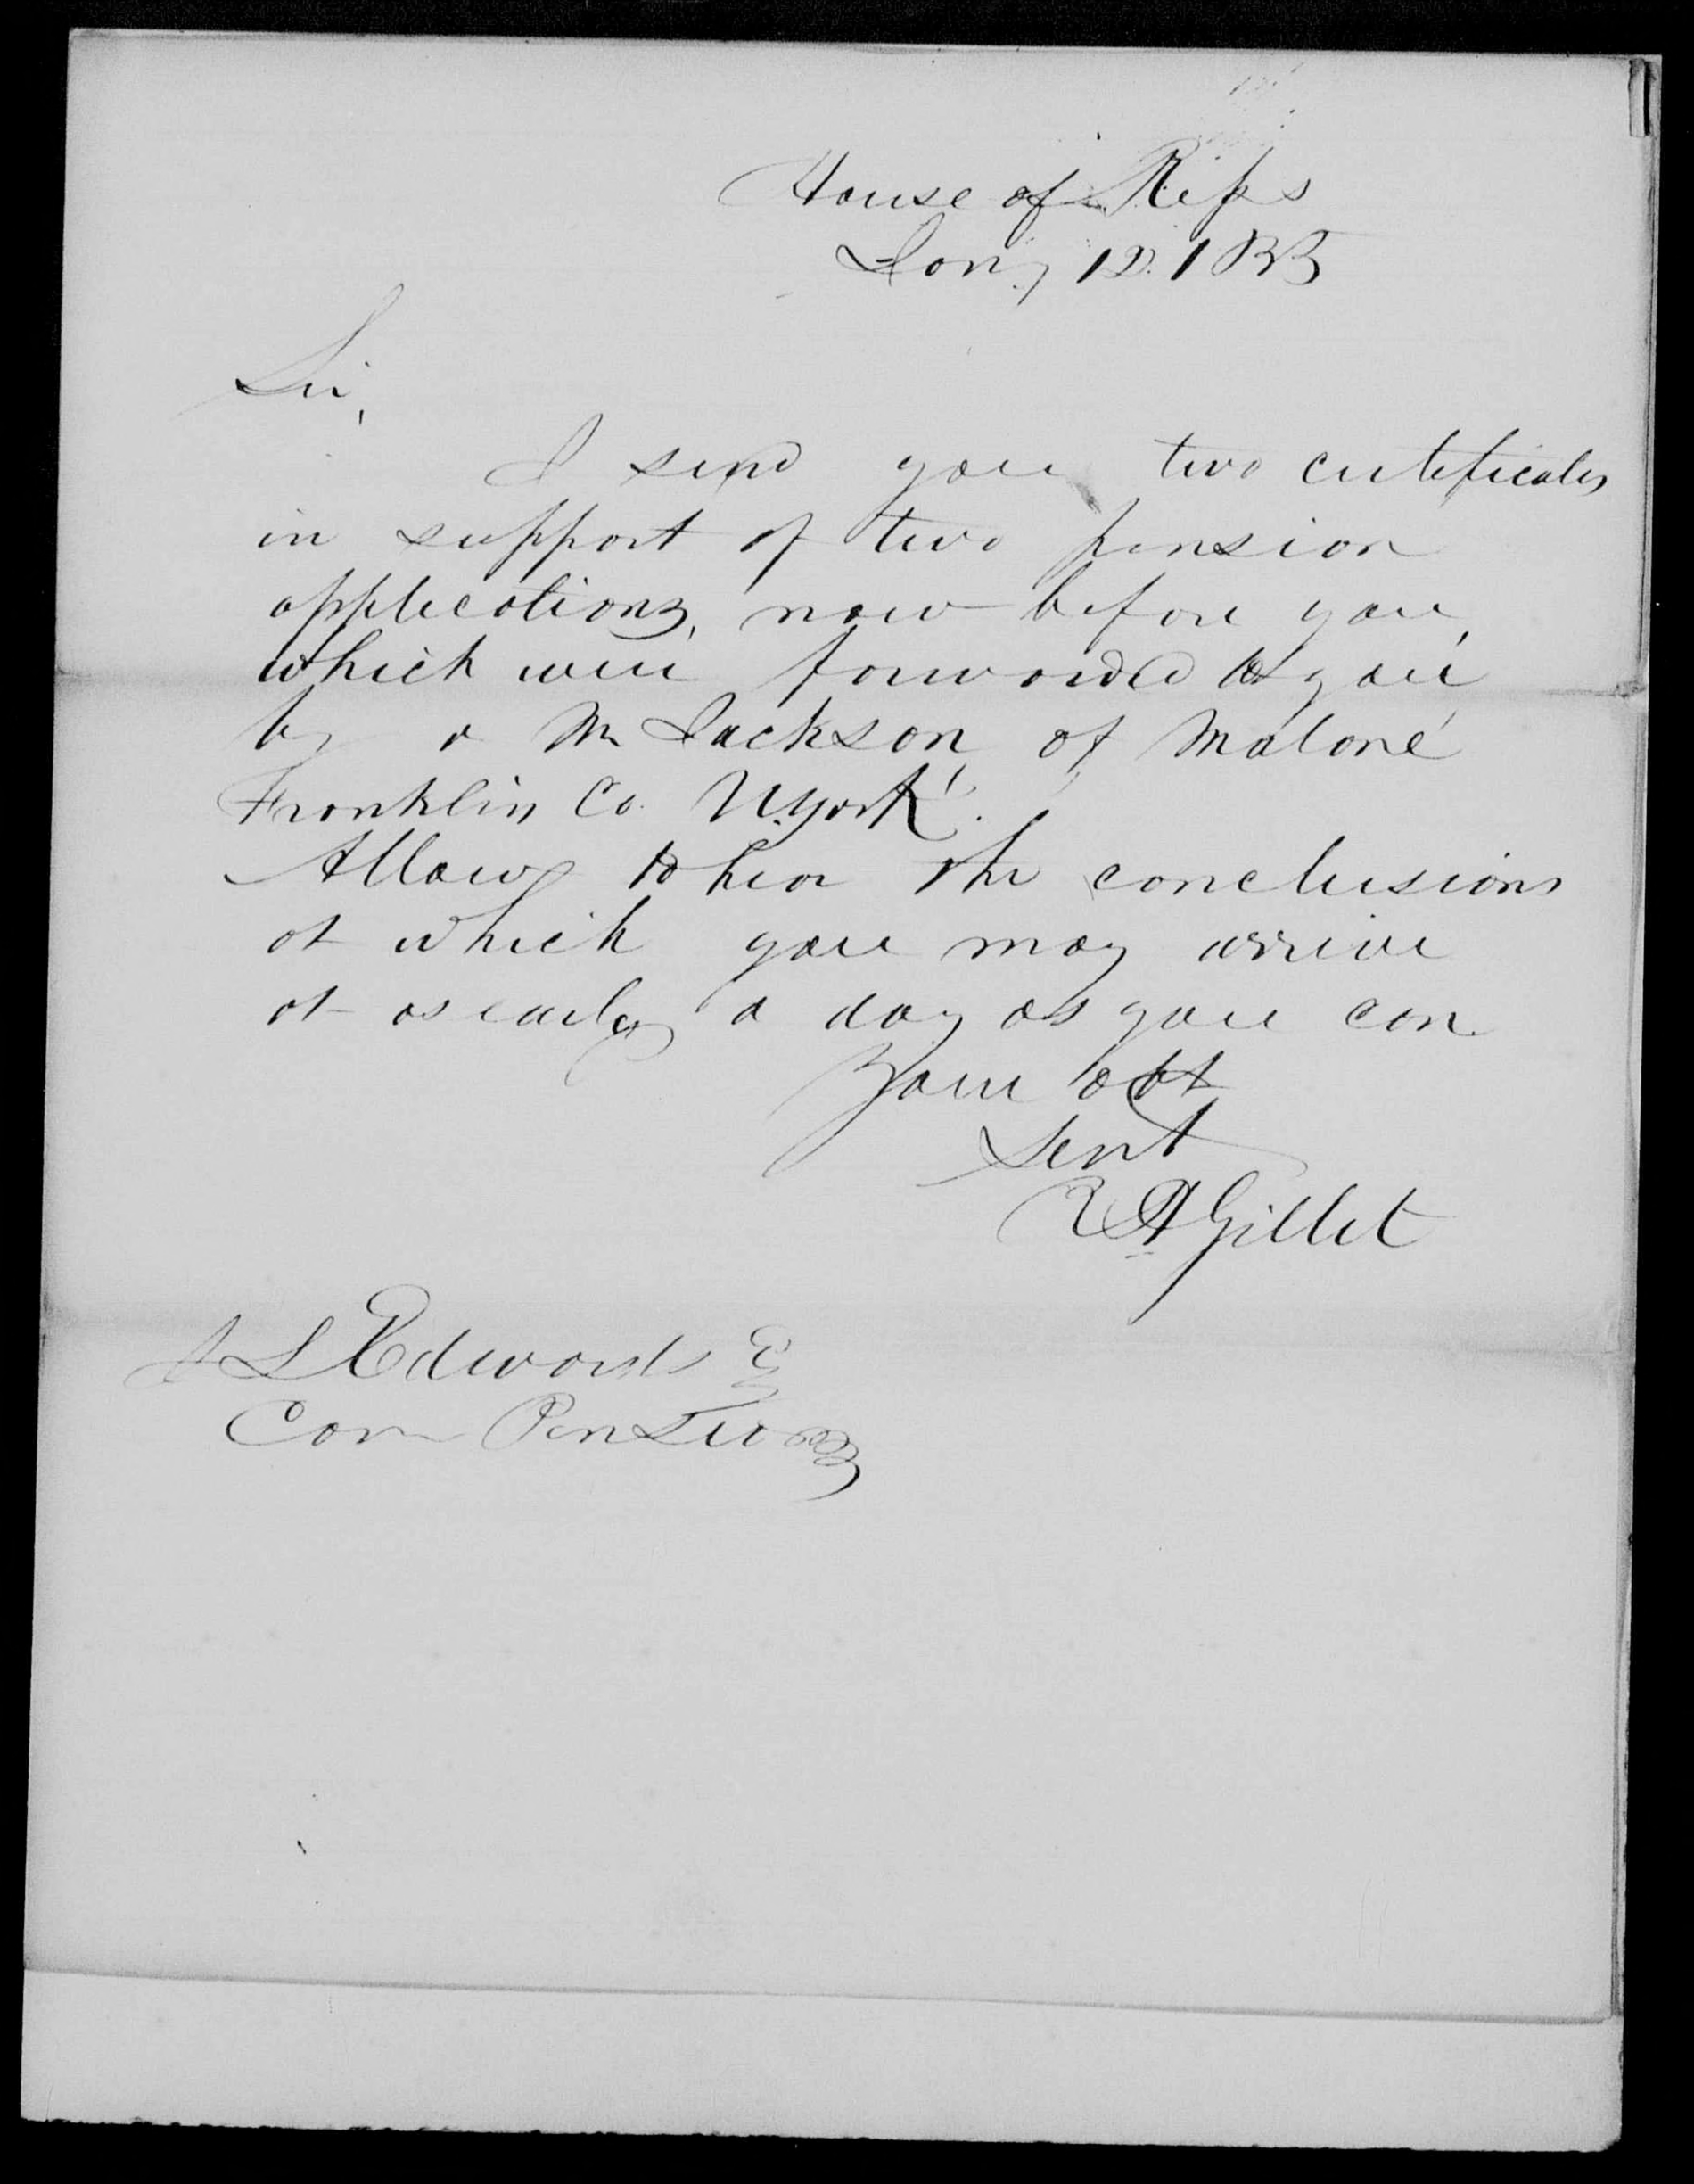House of Reps
___ AD 1833

Sir
I send you two certificates in support of two pension applications now before you
which will forwarded you  by a Mr. Jackson of Malone, Franklin Co. N. York
Allow to hear the conclusions
of which you may arrive at as early a day as you can.
Your obt. Servant
R H Gillet


J L Edwards
Commissioner of Pensions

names: R H Gillet, J L Edwards, Wm Jackson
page: 28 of 40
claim: rejected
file: R. 1558, Jonathan Butterfield, Mass. Vt.